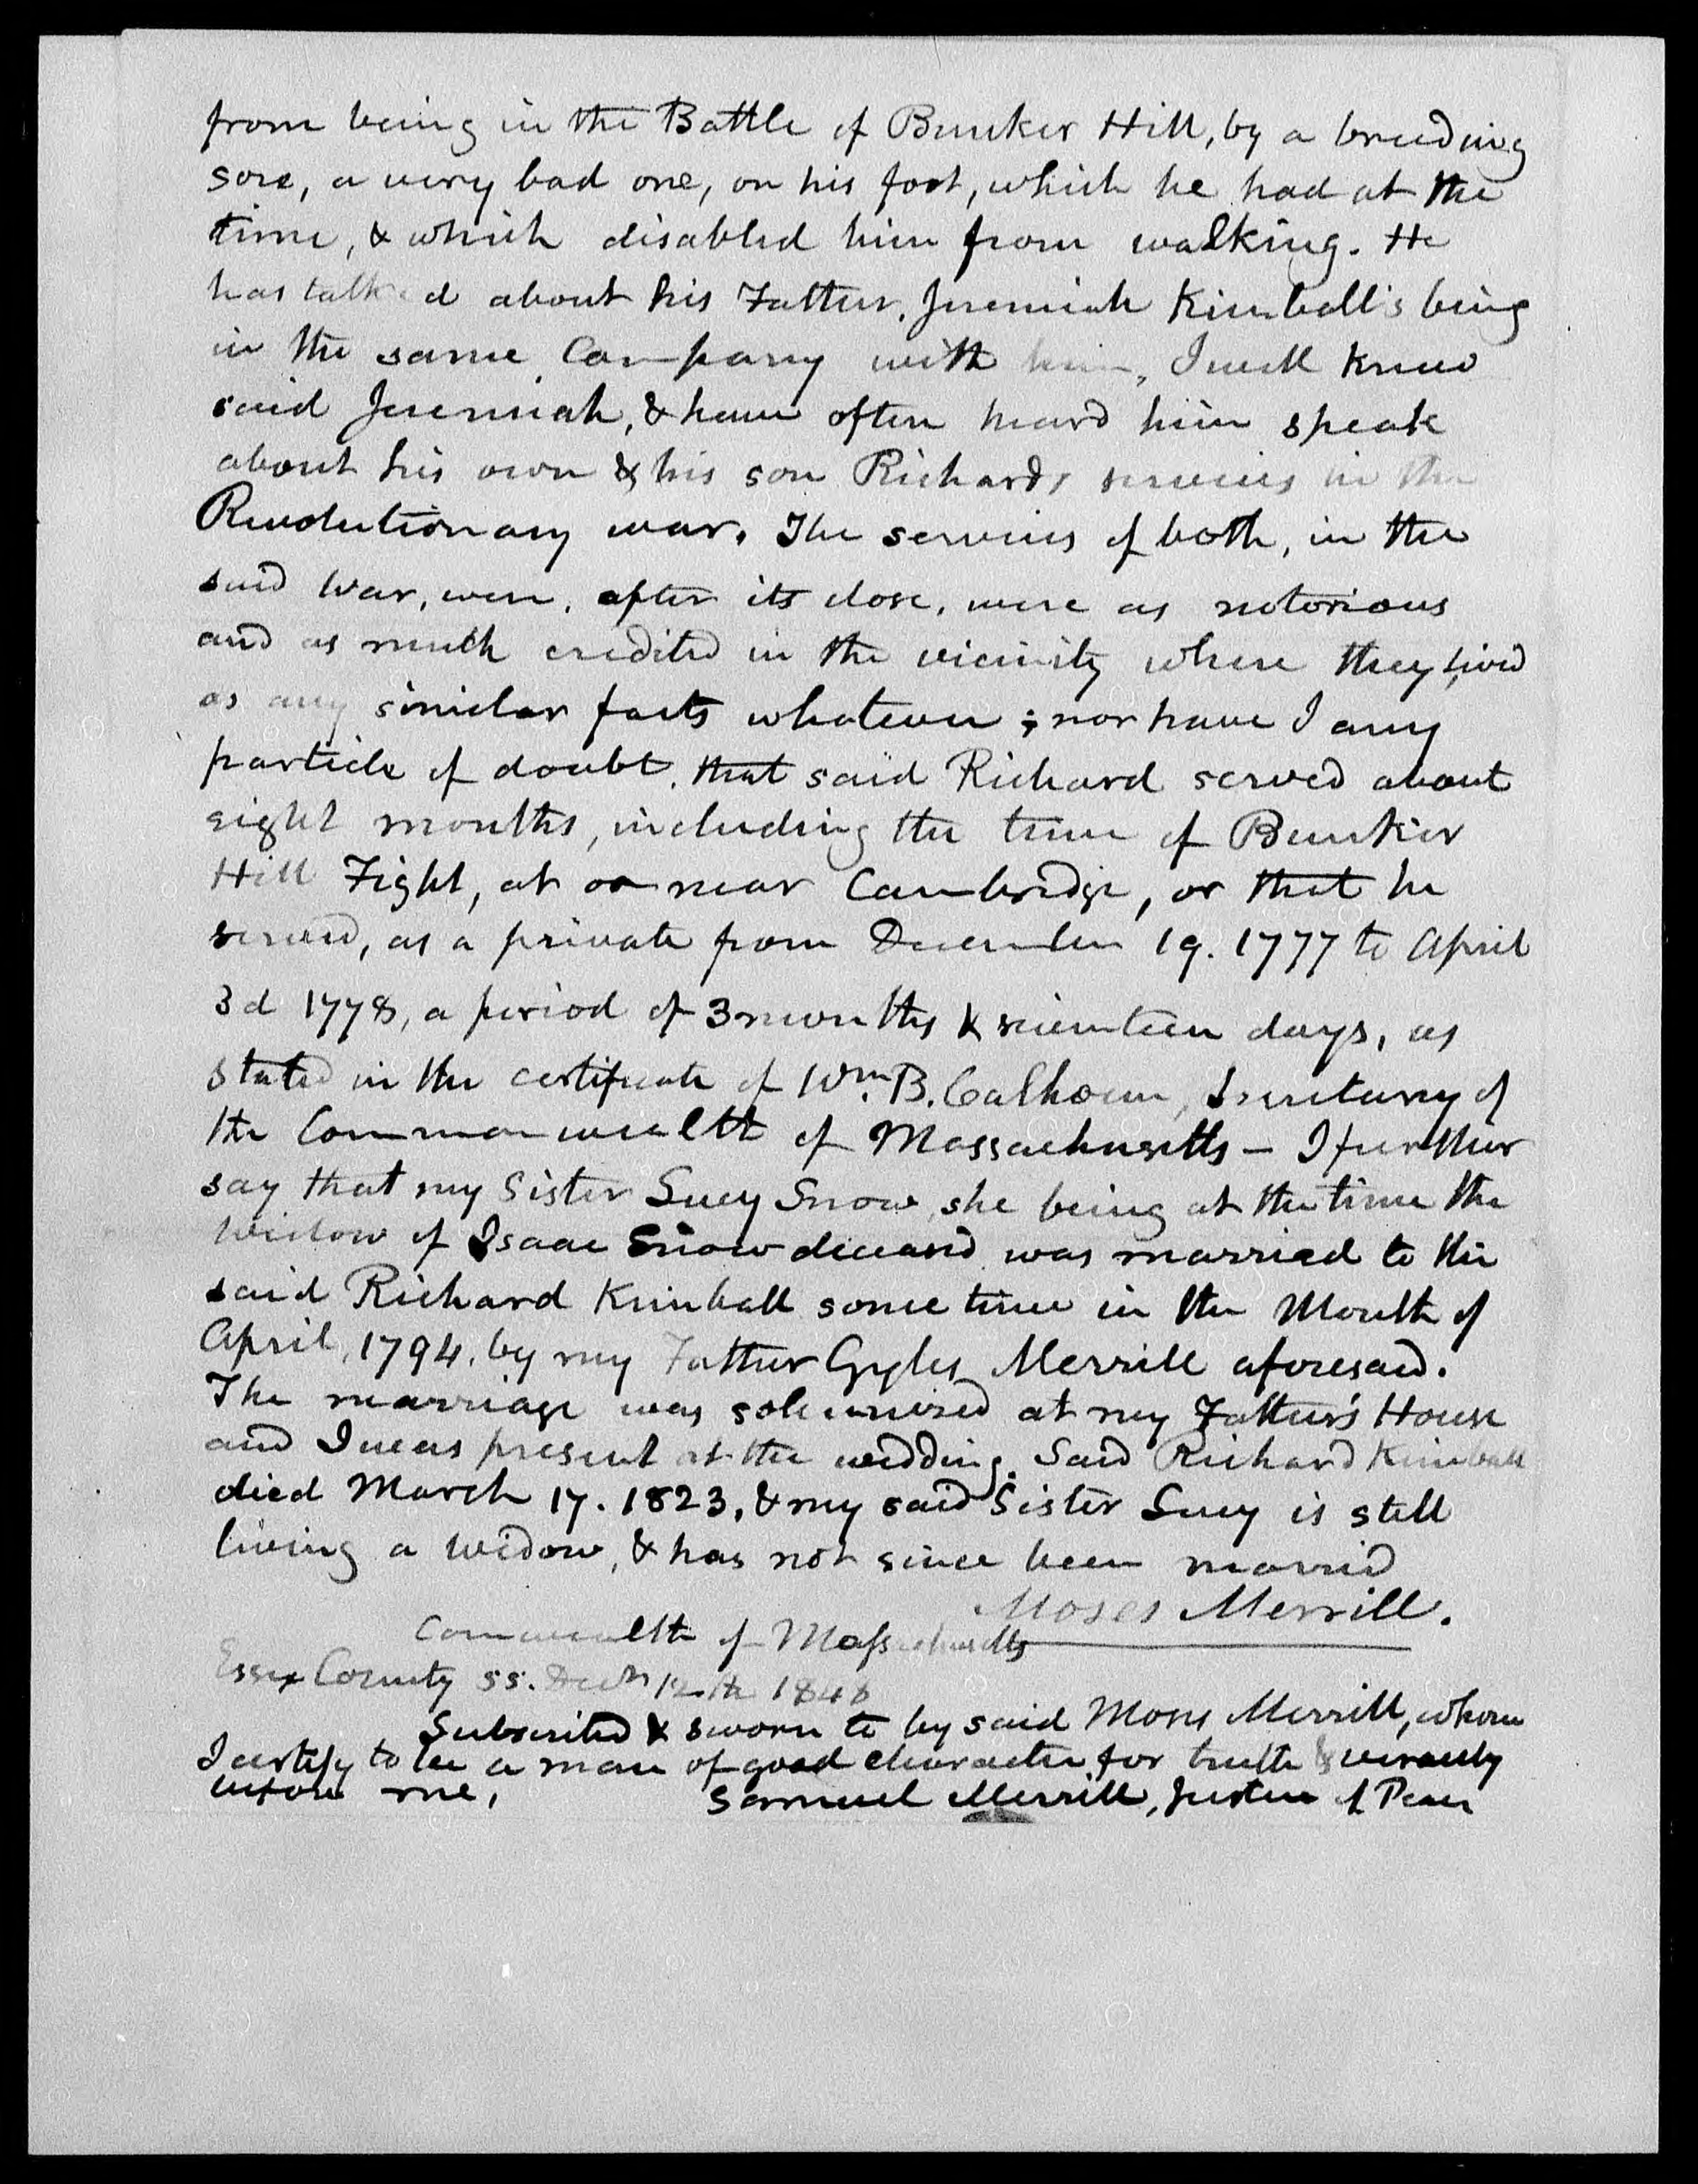from being in the Battle of Bunker Hill, by a breeding sore, a very bad one, on his foot, which he had at the time, & which disabled him from walking. He has talked about his father, Jeremiah Kimball's being in the same company with him, I well knew said Jeremiah, & have often heard him speak about his own & his son Richard serving in the Revolutionary war. The serving of both, in the said war, even, after its close, were as notorious and as much credited in the vicinity where they lived as any similar facts whatever, nor have I any particle of doubt that said Richard served about eight months, including the time of Bunker Hill Fight, at or near Cambridge, or that he served, as a private from December 19 1777 to April 3d 1778, a period of 3 months & seventeen days, as stated in the certificate of Wm. B. Calhoun, Secretary of the Commonwealth of Massachusetts - I further say that my sister Lucy Snow, she being at the time the widow of Isaac Snow deceased was married to this said Richard Kimball some time in the month of April, 1794, by my Father Gyles Merill aforesaid. The marriage was solemnised at my father's House and I was present at the wedding. Said Richard Kimball died March 17 1823, & my said sister Lucy is still living a widow, & has not since been married.
Moses Merill.
Commonwealth of Massachusetts
Essex County SS. Dec 12th 1848
Subscribed & sworn to by said Moses Merill, whom I certify to be a man of good character for the truth & [illegible] before me,
Samuel Merill, Justice of Peace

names: Gyles Merrill; Jeremiah Kimball; Lucy Snow; Isaac Snow; Samuel Merrill; Wm B Calhoun; Richard Kimball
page: 16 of 29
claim: widow's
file: W. 1779, for Richard Kimball, Massachusetts